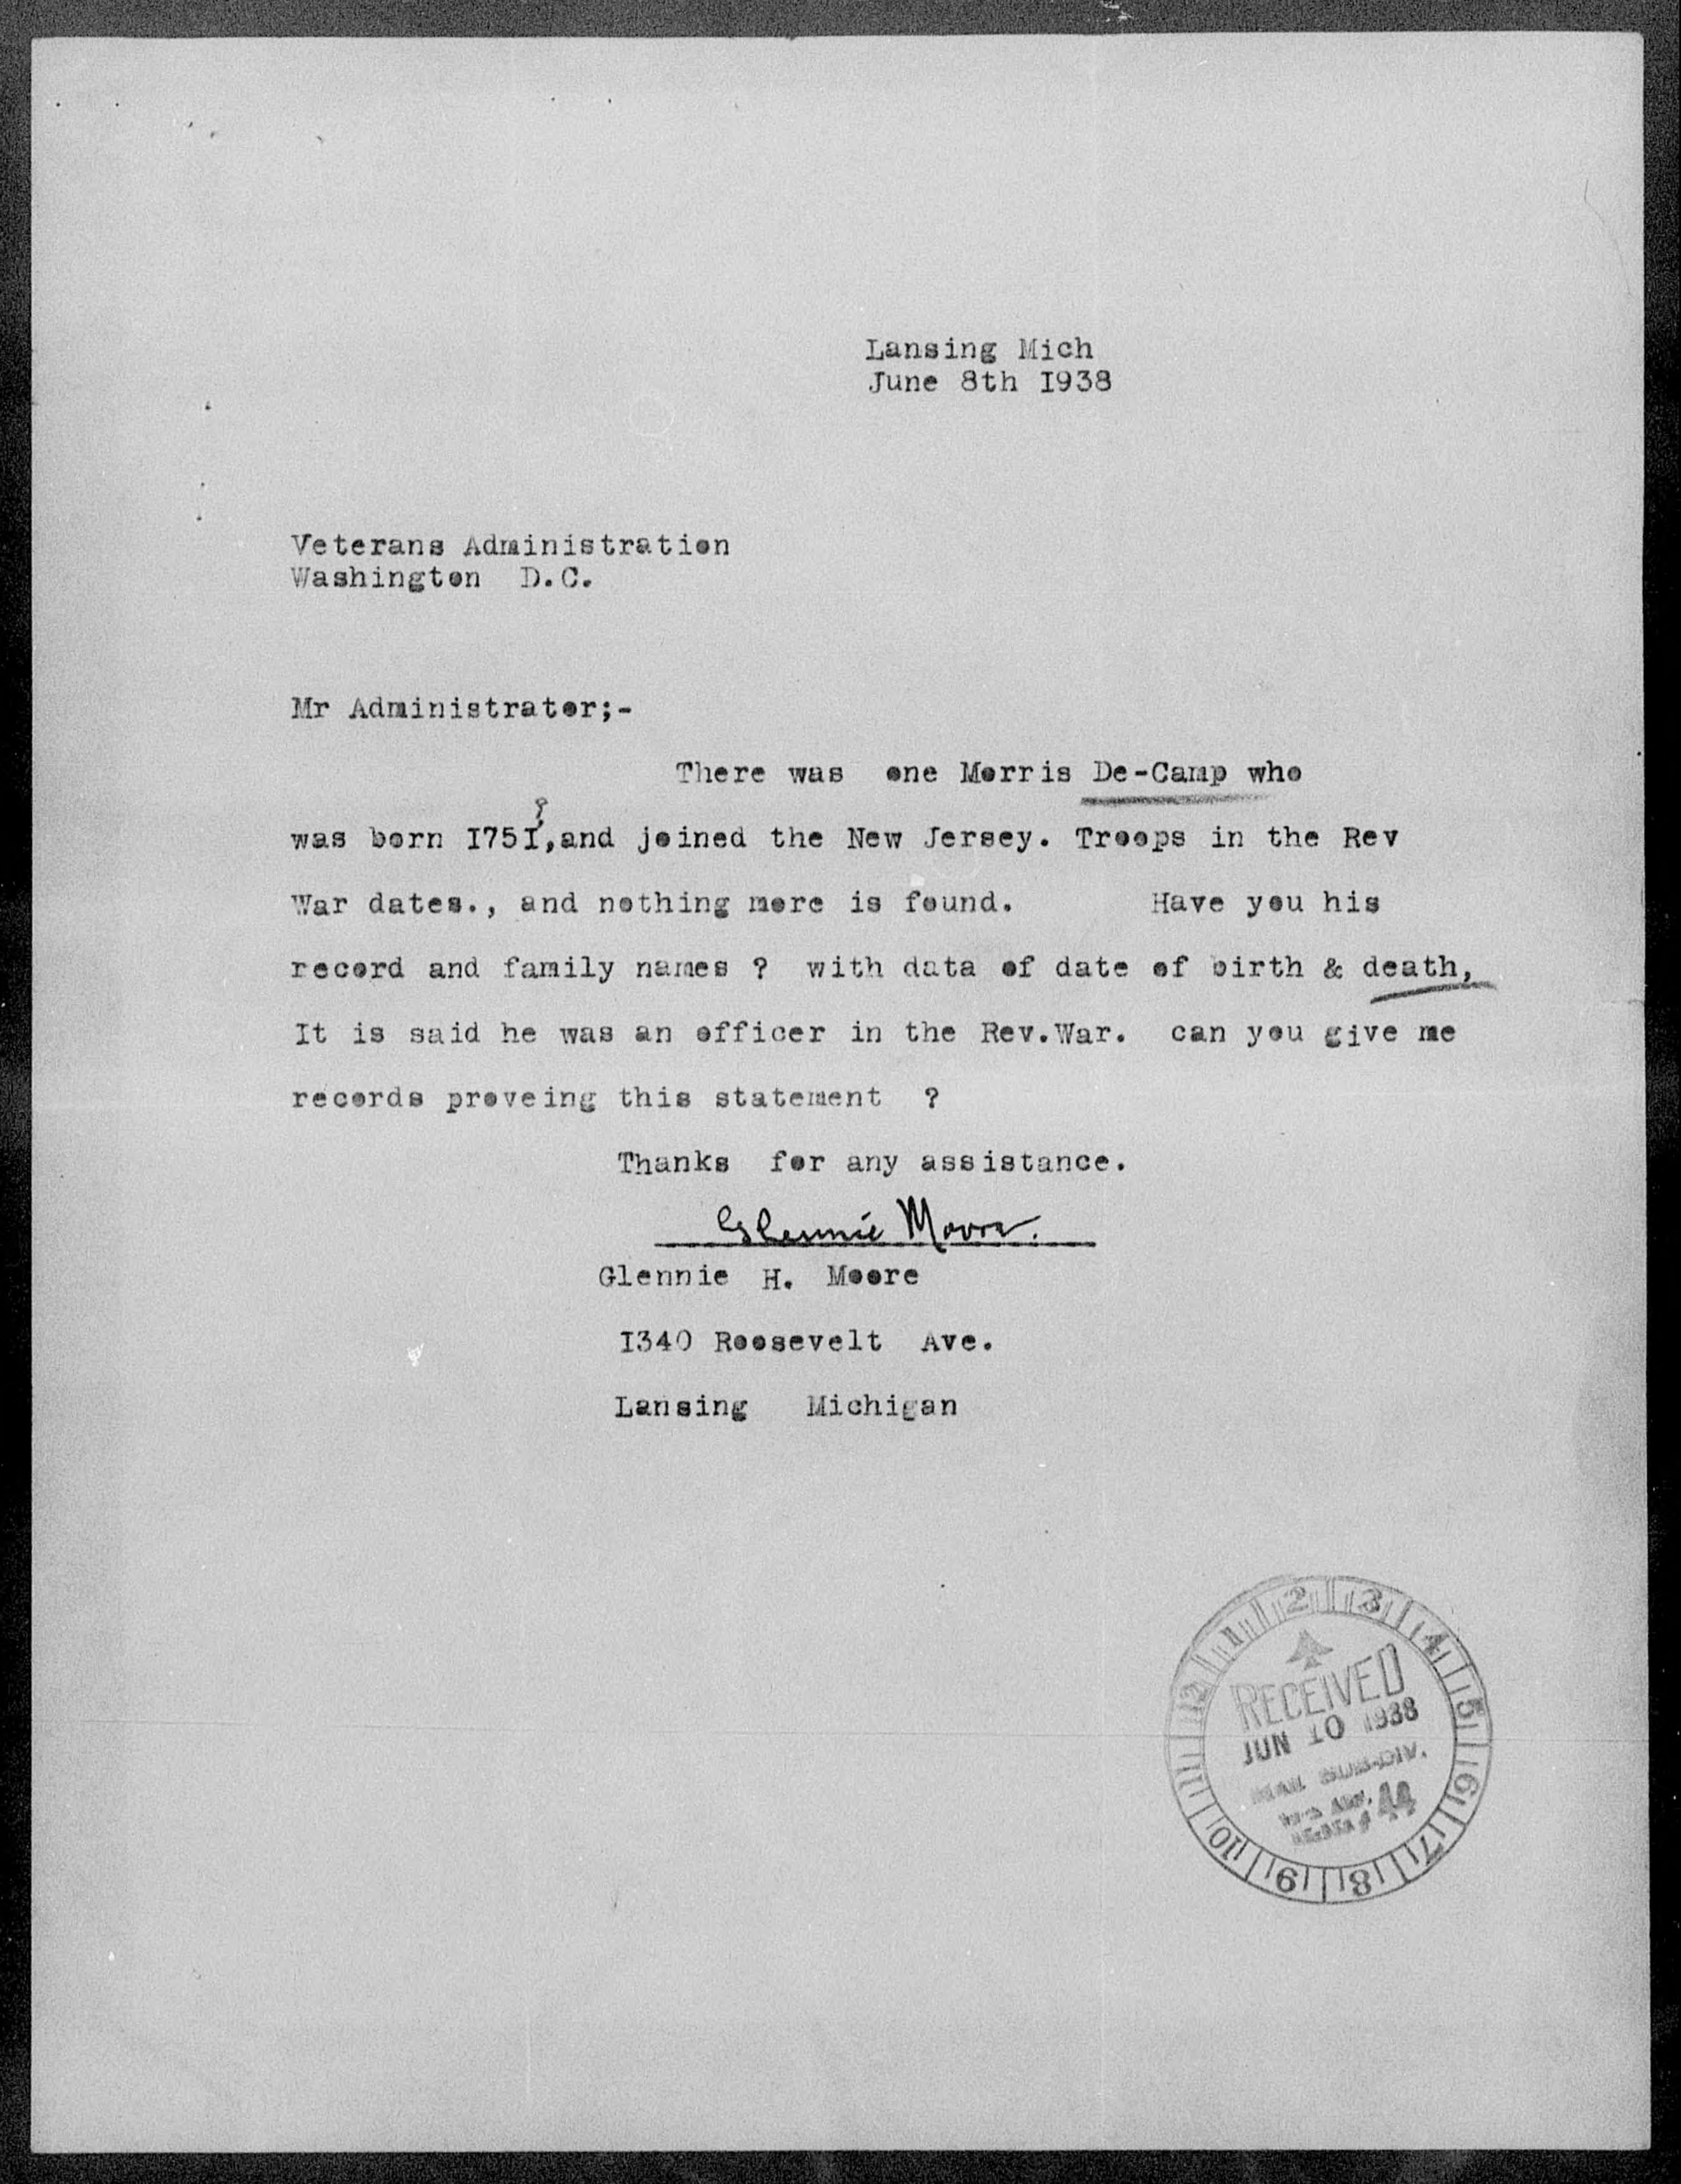Lansing Mich
June 8th 1938
Veterans Administration
Washington D. C.
Mr Administrator
There was one Morris De-Camp who
was born 1751 [note: handwritten "?" is just above the "1" in this date] , and joined the New Jersey Troops in the Rev
War dates, and nothing more is found.
Have you his record and family names ? with date of date of birth & death,
It is said he was an officer in the Rev. War can you give me records proving this statement?
Thanks for any assistance.
[handwritten: Glennie Moore]

Glennie H. Moore
1340 Roosevelt Ave.
Lansing, Michigan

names: Glennie H Moore, Morris De Camp, Glennie Moore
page: 45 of 52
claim: survivor's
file: S. 34172, Morris D Camp, Continental (New Jersey)